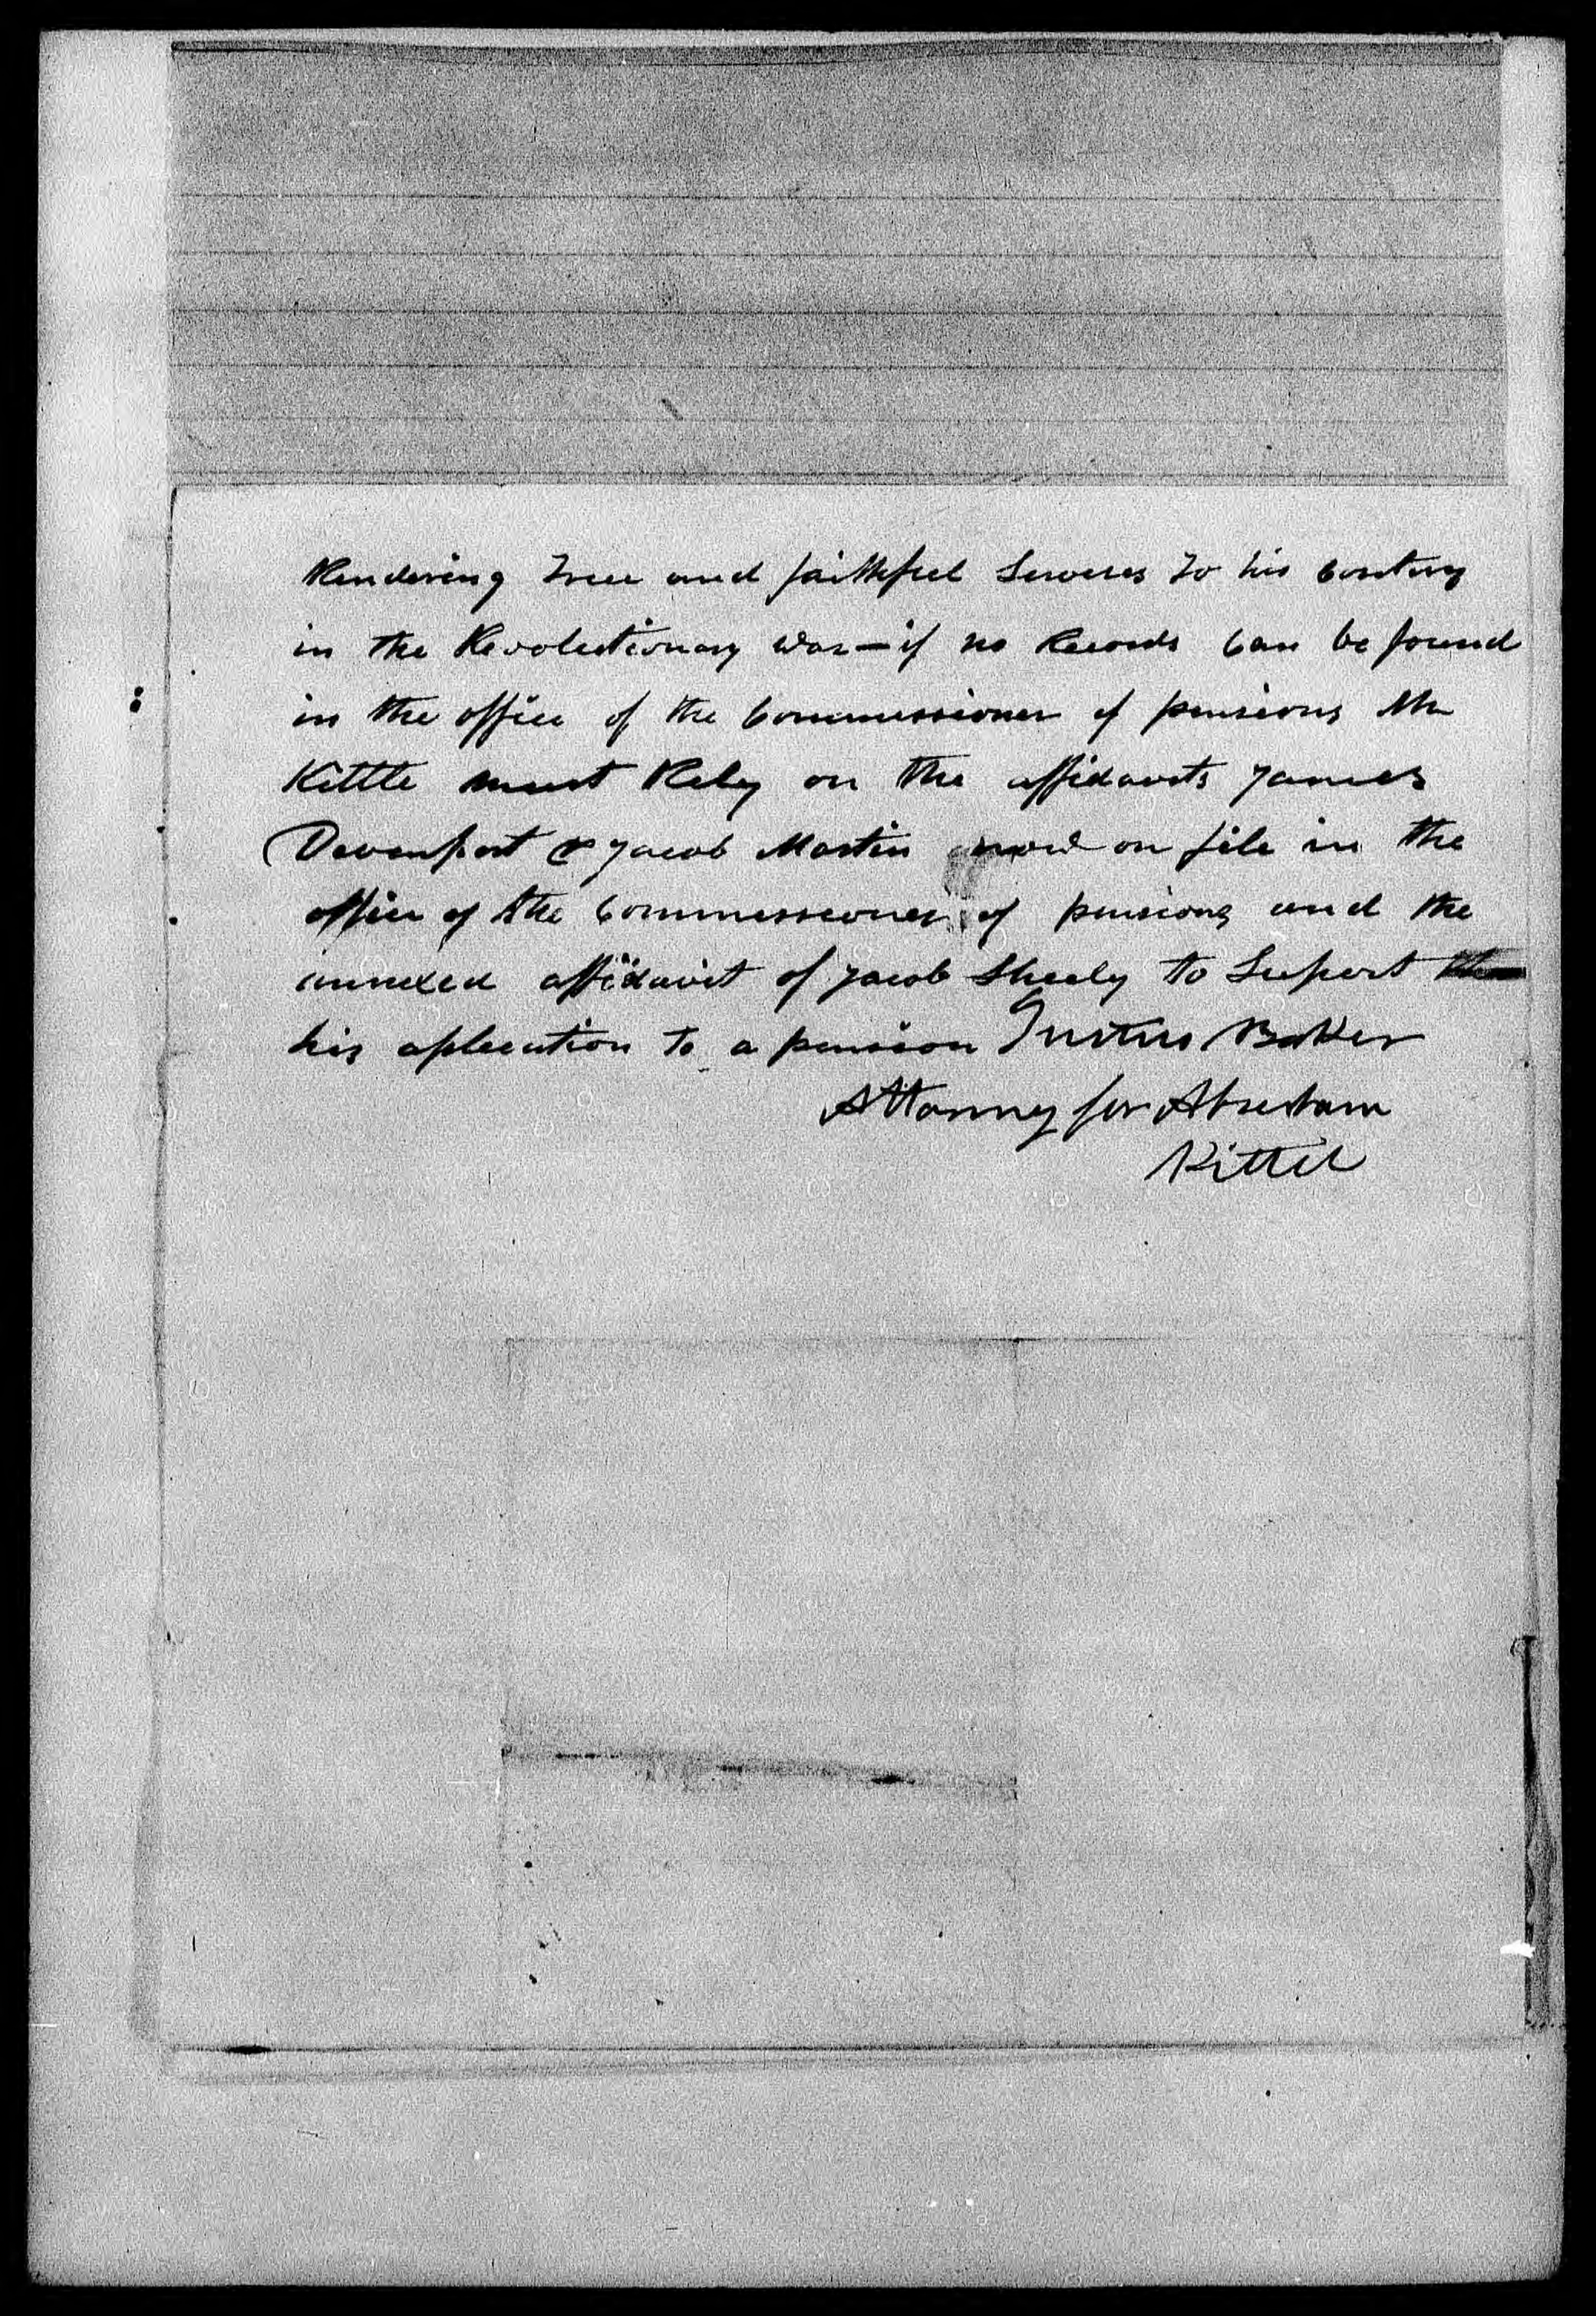rendering true and faithful services to his country in the Revolutionary war if no Records can be found in the office of the Commissioner of pensions Mr Kittle must rely on the affidavits James Davenport & Jacob Martin have on file in the Office of the  Commissioner of pensions and the annexed affidavit of Jacob Sheely to Support his aplication to a pension 
Justus Baker 
Attorney for Abraham Kittle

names: [BLANK] Kittle; Jacob Sheely; Jacob Martin; Abraham Kittel; Justus Baker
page: 18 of 18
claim: rejected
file: R. 6002, for Abraham Kittle, New York